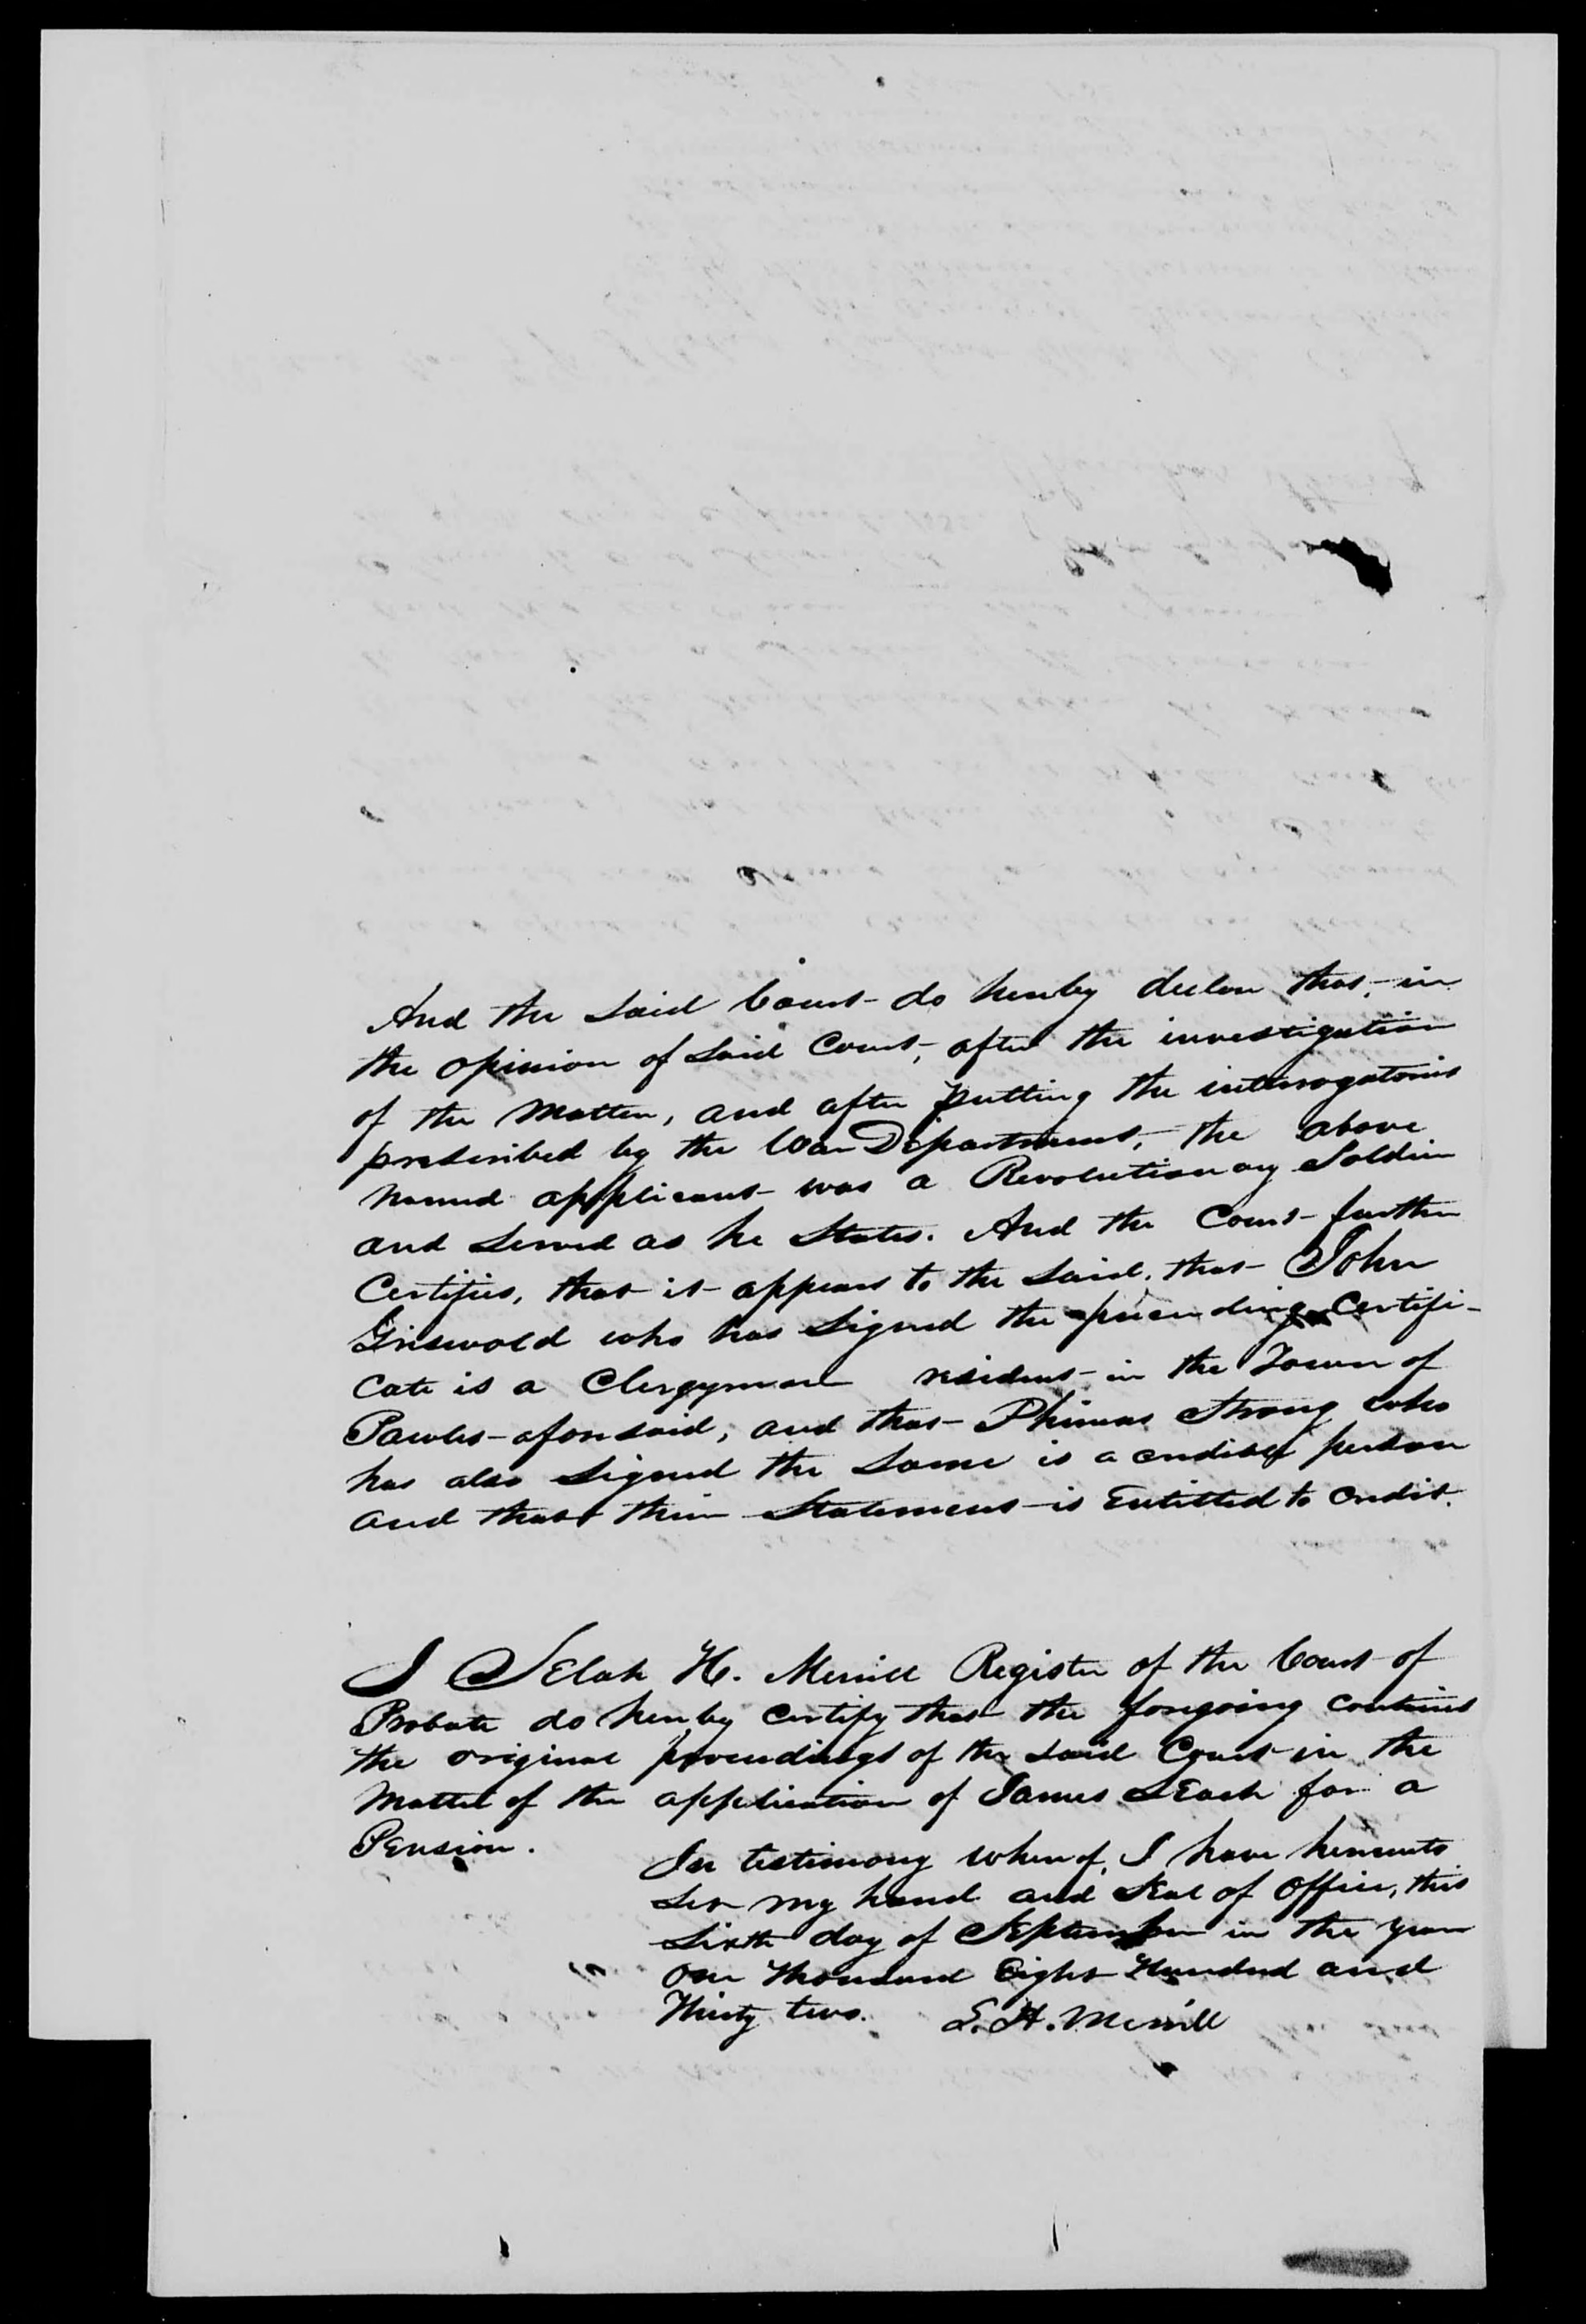And the said Court do hereby declare that in the opinion of said court - after the investigation of the matter and after putting the interrogatories prescribed by the War Department, the above named applicant was a Revolutionary War Soldier and served as he states. And the Court further certifies that it appears to the said that John Griswold who has signed the preceding certificate is a clergyman resident in the Town of Pawlet - aforesaid, and that Phineas Strong who has also signed the same is a credible person and that their statements is entitled to credit.

I Selah H. Merrill Register of the Court of Probate do hereby certify that the foregoing contains the original proceedings of the said Court in the matter of the application of James Leach for a Pension.
In testimony whereof I have hereunto set my hand and seal of office, this sixth day of September in the year one thousand eight hundred and thirty two.
S.H. Merrill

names: Selah H Merrill; John Griswold; Phineas Strong; James Leach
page: 9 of 27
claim: widow's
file: W. 24,500, for James Leach, Connecticut